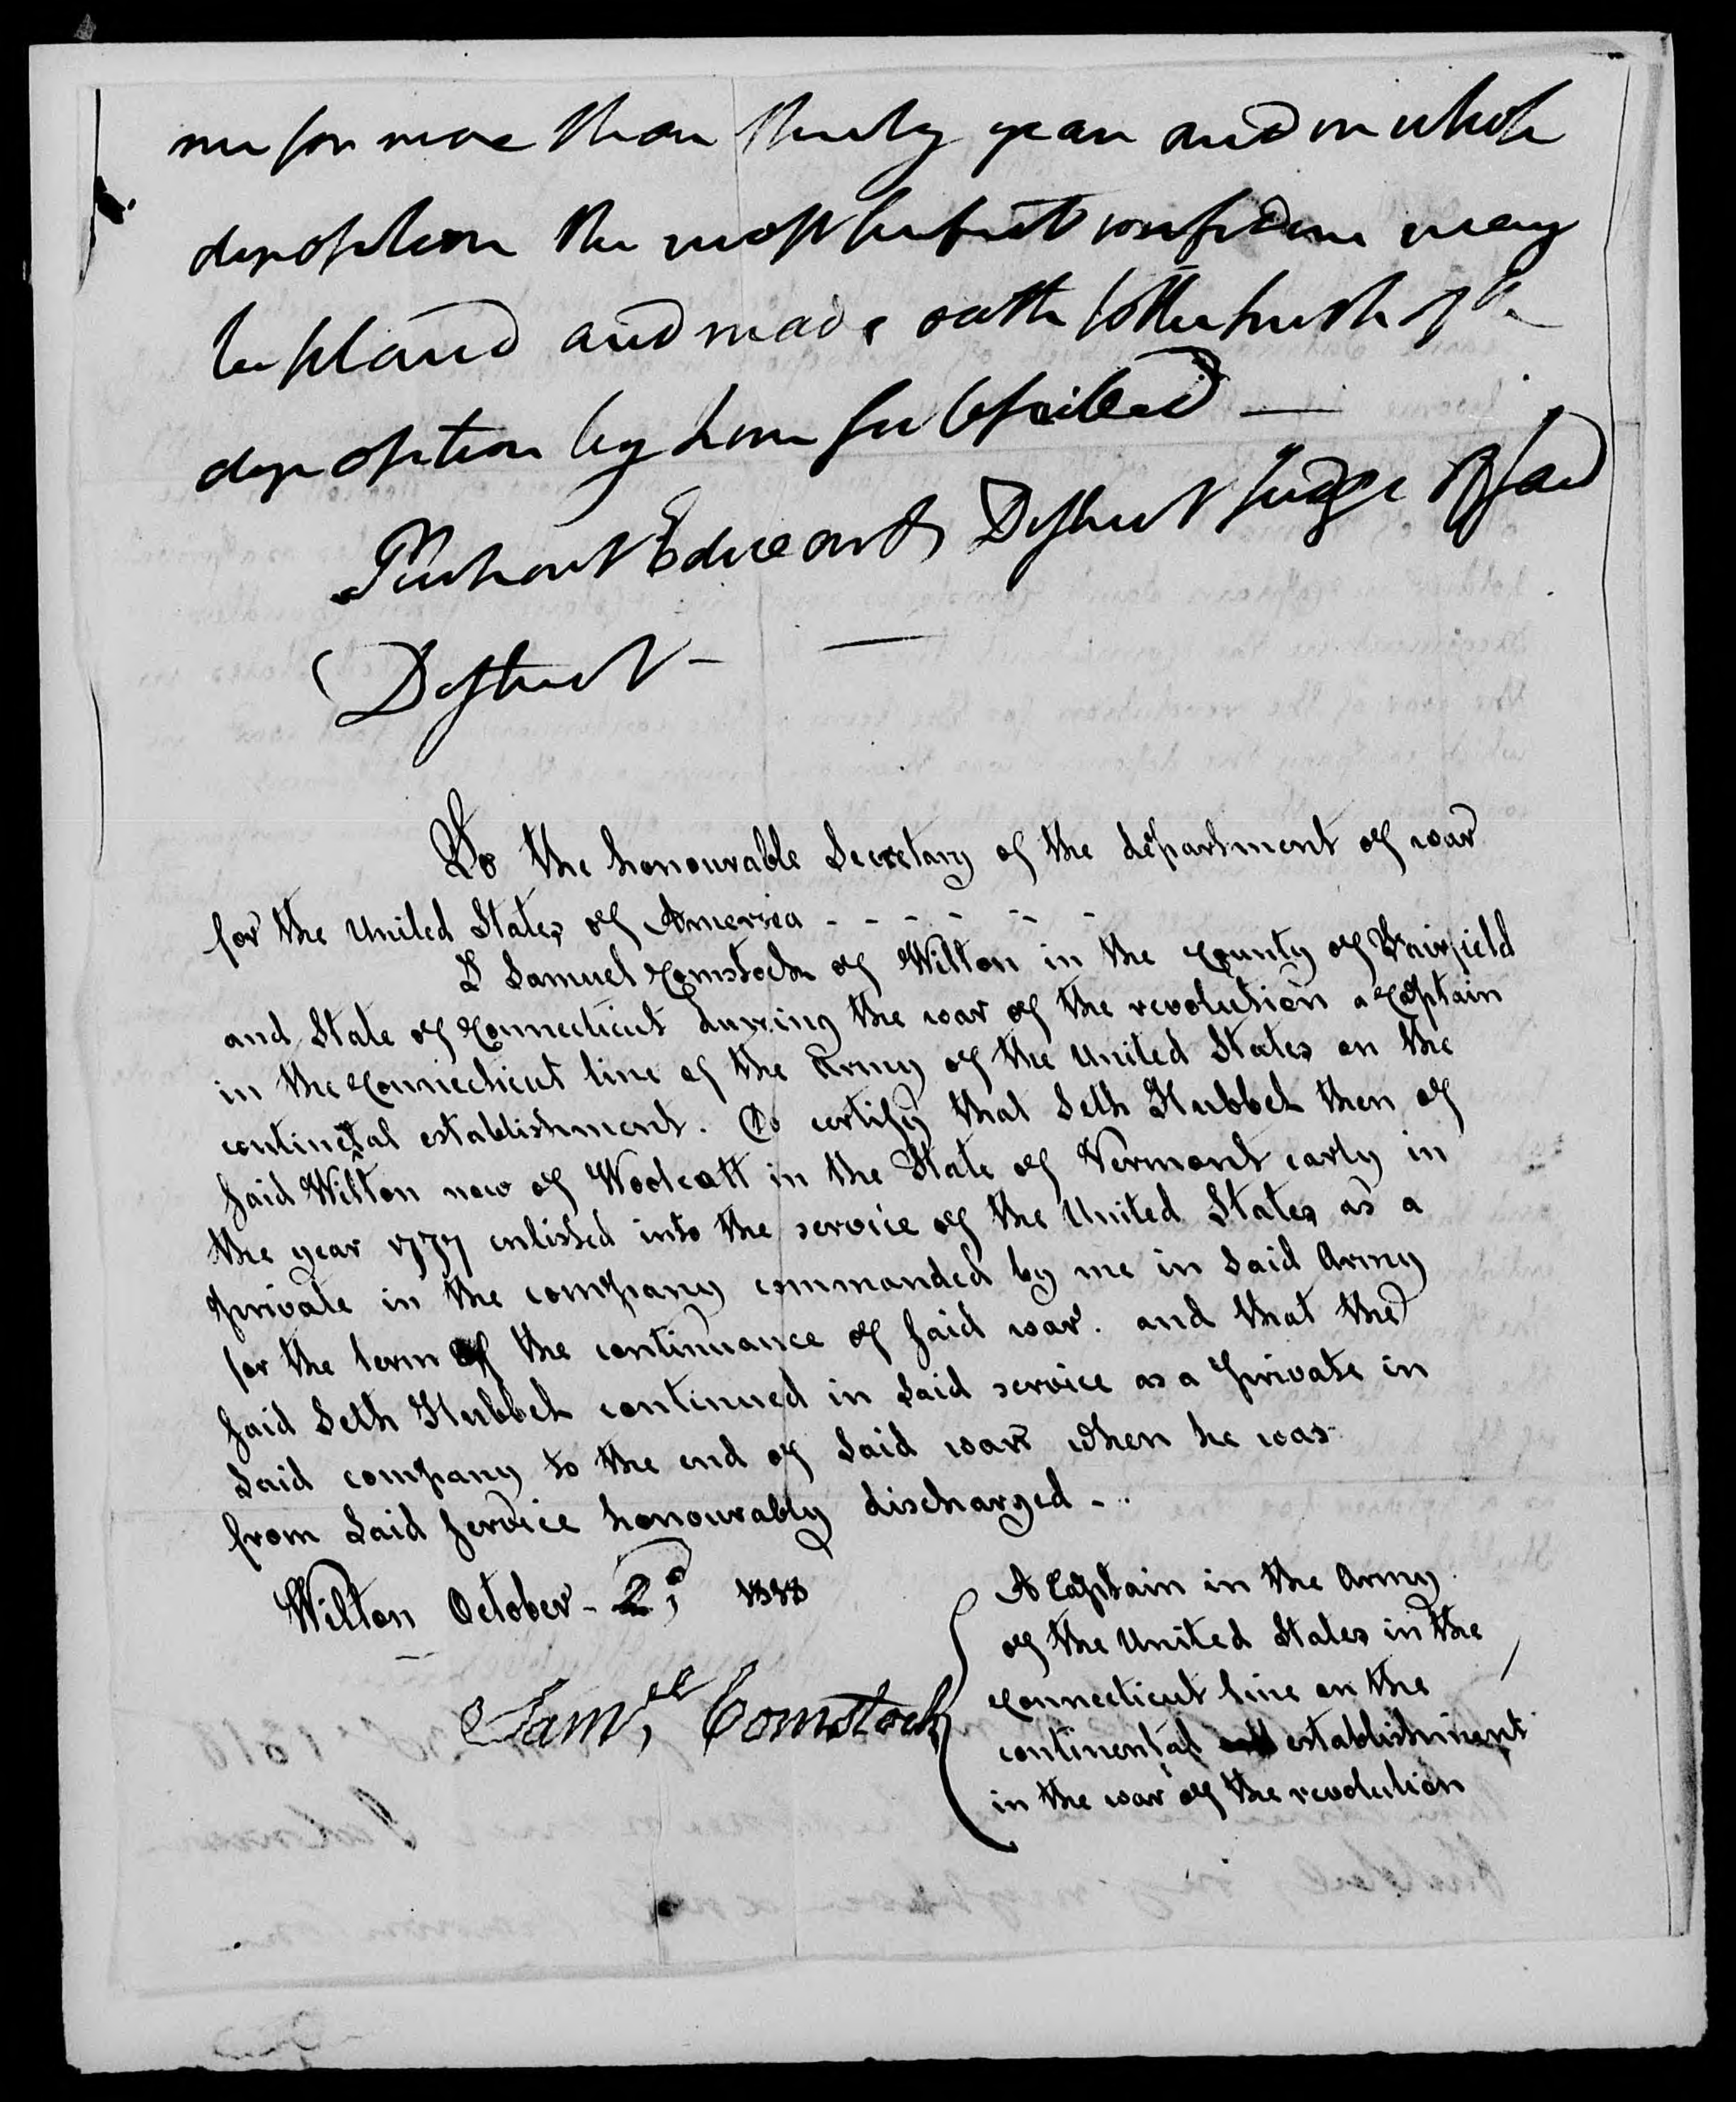me for more than thirty years and in which deposition the [illegible] [illegible] [illegible] every [illegible] [illegible] and made oath  [illegible] [illegible] deposition by him subscribed ___
Pierpoint Edwards District Judge of law
District - -

So the honorable Secretary of the department of war for the United States of America . . . . . .
I Samuel Comstock of Wilton in the County of Fairfield and State of Connecticut during the war of the revolution a Captain in the Connecticut line of the Army of the United States on the continental establishment. Do certify that Seth Hubbel then of said Wilton now of Woolcott in the State of Vermont early in the year 1777 enlisted into the service of the United States as a private in the company commanded by me in said Army for the term of the continuance of said war and that the said Seth Hubbel continued in said service as a private in said company to the end of said war when he was from said service honourably discharged.
Wilton October 2d 1888
Saml Comstock - A Captain in the Army of the United States in the Connecticut line on the continental establishment in the war of the revolution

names: Seth Hubbel, Samuel Comstock, Pierpont Edwards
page: 95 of 114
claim: widow's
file: W. 2115, Seth Hubbell, Conn.